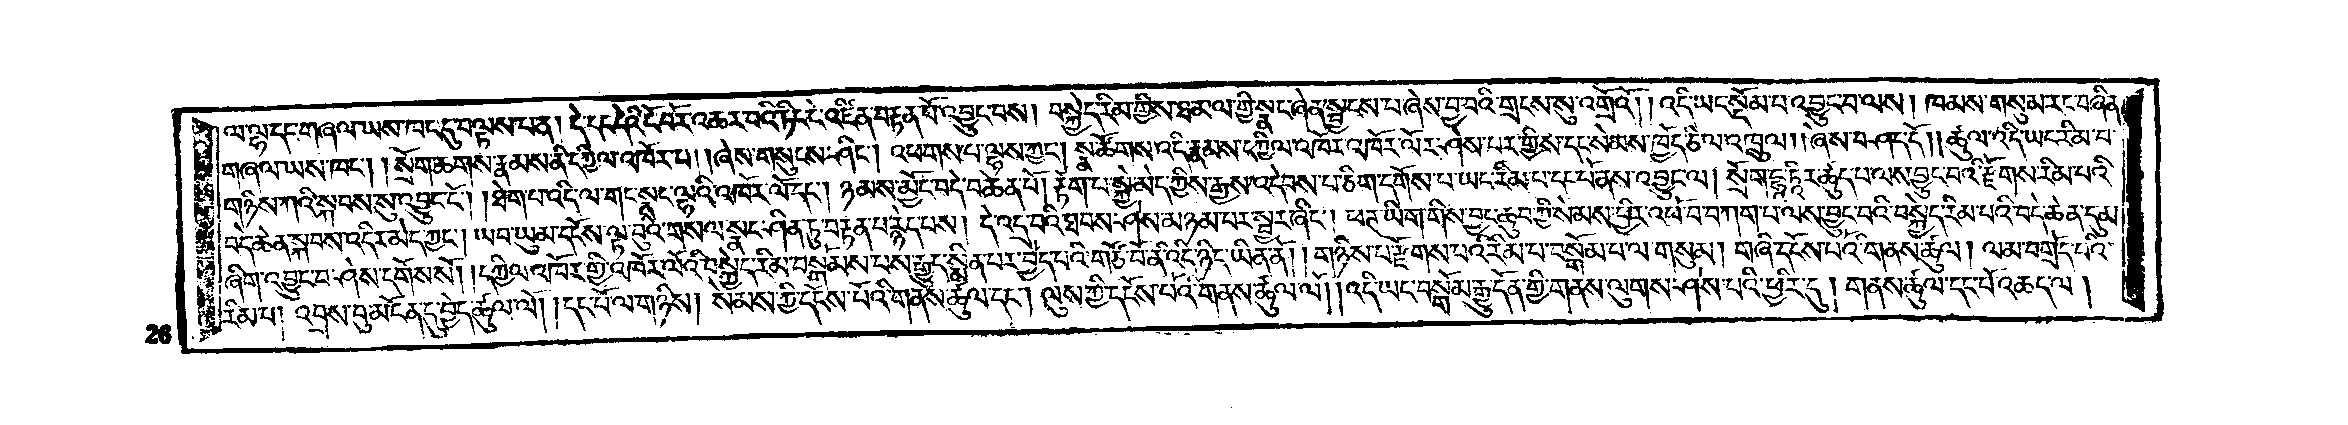ལ་ལྷ་དང་གཞལ་ཡས་ཁང་དུ་བལྟས་པ་ན། དེ་དང་དེའི་ངོ་བོར་འཆར་བའི་ཏིང་ངེ་འཛིན་བརྟན་པོ་འབྱུང་བས། བསྐྱེད་རིམ་གྱིས་ཐ་མལ་གྱི་སྣང་ཞེན་སྦྱངས་པ་ཞེས་བྱ་བའི་གྲངས་སུ་འགྲོའོ། །འདི་ཡང་སྡོམ་པ་འབྱུང་བ་ལས། ཁམས་གསུམ་རང་བཞིན་
གཞལ་ཡས་ཁང་། །སྲོག་ཆགས་རྣམས་ནི་དཀྱིལ་འཁོར་པ། །ཞེས་གསུངས་ཤིང་། འཕགས་པ་ལྷས་ཀྱང་། སྣ་ཚོགས་འདི་རྣམས་དཀྱིལ་འཁོར་འཁོར་ལོར་ཤེས་པར་གྱིས་དང་སེམས་ཁྱོད་ཅི་ལ་འཁྲུལ། །ཞེས་བཤད་དོ། །ཚུལ་འདི་ཡང་རིམ་པ་
གཉིས་ཀའི་སྐབས་སུ་འབྱུང་ངོ། །ཐེག་པ་འདི་ལ་གང་སྣང་ལྷའི་འཁོར་ལོ་དང་། ཉམས་མྱོང་བདེ་བ་ཆེན་པོ། རྟོག་པ་སྐྱེ་མེད་ཀྱིས་རྒྱས་འདེབས་པ་ཅིག་དགོས་པ་ཡང་རིམ་པ་དང་པོ་ནས་འབྱུང་ལ། སྲོག་དྷཱུ་ཏཱིར་ཚུད་པ་ལས་བྱུང་བའི་རྫོགས་རིམ་པའི་
བདེ་ཆེན་སྐབས་འདིར་མེད་ཀྱང་། ཡབ་ཡུམ་དངོས་ལྟ་བུའི་གསལ་སྣང་ཤིན་ཏུ་བརྟན་པ་རྙེད་པས། དེ་འདྲ་བའི་ཐབས་ཤེས་མཉམ་པར་སྦྱར་ཞིང་། ཕཊ་ཡིག་གིས་བྱང་ཆུབ་ཀྱི་སེམས་ཕྱིར་འཕོ་བ་བཀག་པ་ལས་བྱུང་བའི་བསྐྱེད་རིམ་པའི་བདེ་ཆེན་དུ་མ་
ཞིག་འབྱུང་བ་ཤེས་དགོས་སོ། །དཀྱིལ་འཁོར་གྱི་འཁོར་ལོའི་བསྐྱེད་རིམ་བསྒོམས་པས་རྒྱུད་སྨིན་པར་བྱེད་པའི་གཙོ་བོ་ནི་འདི་ཉིད་ཡིན་ནོ། །གཉིས་པ་རྫོགས་པའི་རིམ་པ་བསྒོམ་པ་ལ་གསུམ། གཞི་དངོས་པོའི་གནས་ཚུལ། ལམ་བགྲོད་པའི་
རིམ་པ། འབྲས་བུ་མངོན་དུ་བྱེད་ཚུལ་ལོ། །དང་པོ་ལ་གཉིས། སེམས་ཀྱི་དངོས་པོའི་གནས་ཚུལ་དང་། ལུས་ཀྱི་དངོས་པོའི་གནས་ཚུལ་ལོ། །འདི་ཡང་བསྒོམ་རྒྱུ་དོན་གྱི་གནས་ལུགས་ཤེས་པའི་ཕྱིར་དུ། གནས་ཚུལ་དང་པོ་འཆད་ལ།